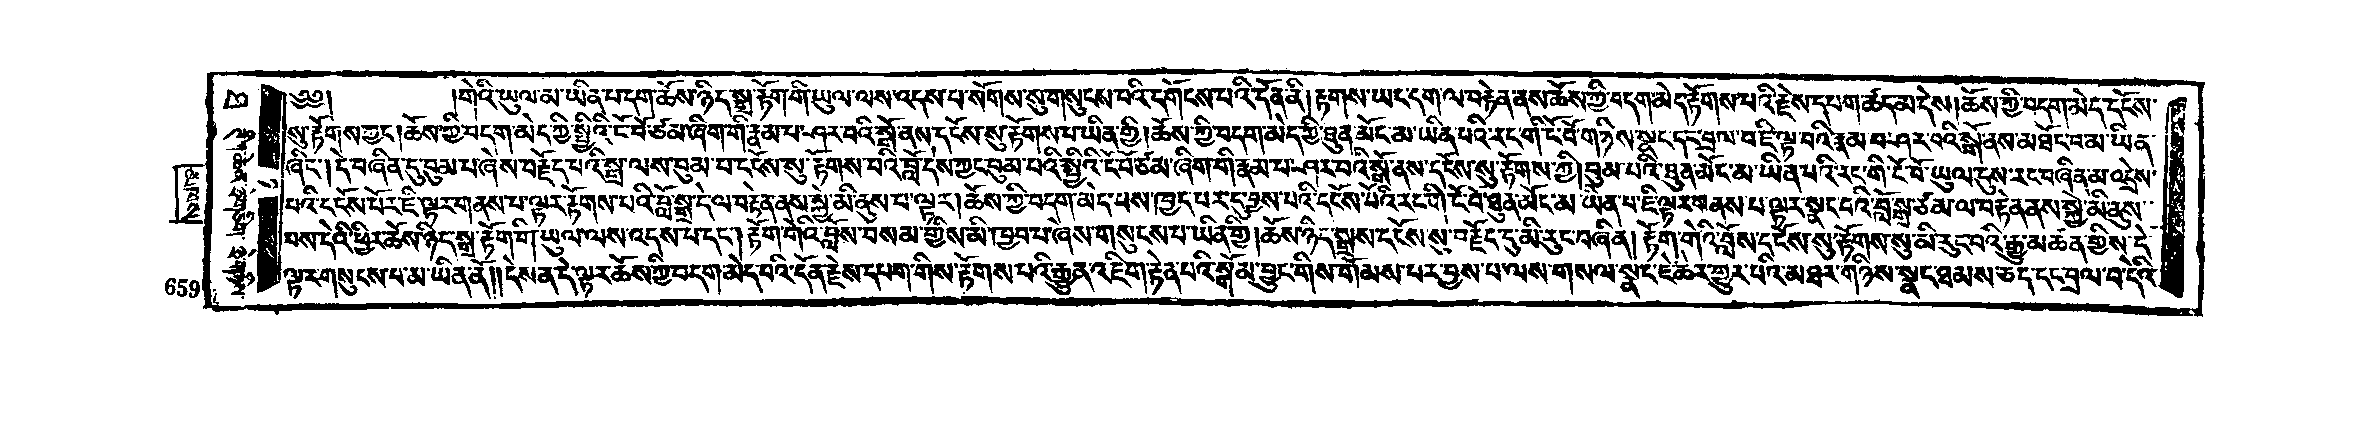༄༅། །གེའི་ཡུལ་མ་ཡིན་པ་དག་ཆོས་ཉིད་སྒྲ་རྟོག་གི་ཡུལ་ལས་འདས་པ་སོགས་སུ་གསུངས་པའི་དགོངས་པའི་དོན་ནི། རྟགས་ཡང་དག་ལ་བརྟེན་ནས་ཆོས་ཀྱི་བདག་མེད་རྟོགས་པའི་རྗེས་དཔག་ཚད་མ་དེས། ཆོས་ཀྱི་བདག་མེད་དངོས་
སུ་རྟོགས་ཀྱང་། ཆོས་ཀྱི་བདག་མེད་ཀྱི་སྤྱིའི་ངོ་བོ་ཙམ་ཞིག་གི་རྣམ་པ་ཤར་བའི་སྒོ་ནས་དངོས་སུ་རྟོགས་པ་ཡིན་གྱི། ཆོས་ཀྱི་བདག་མེད་ཀྱི་ཐུན་མོང་མ་ཡིན་པའི་རང་གི་ངོ་བོ་གཉིས་སྣང་དང་བྲལ་བ་ཇི་ལྟ་བའི་རྣམ་པ་ཤར་བའི་སྒོ་ནས་མཐོང་བ་མ་ཡིན་
ཞིང་། དེ་བཞིན་དུ་བུམ་པ་ཞེས་བརྗོད་པའི་སྒྲ་ལས་བུམ་པ་དངོས་སུ་རྟོགས་པའི་བློ་དེས་ཀྱང་བུམ་པའི་སྤྱིའི་ངོ་བོ་ཙམ་ཞིག་གི་རྣམ་པ་ཤར་བའི་སྒོ་ནས་དངོས་སུ་རྟོགས་ཀྱི། བུམ་པའི་ཐུན་མོང་མ་ཡིན་པའི་རང་གི་ངོ་བོ་ཡུལ་དུས་རང་བཞིན་མ་འདྲེས་
པའི་དངོས་པོར་ཇི་ལྟར་གནས་པ་ལྟར་རྟོགས་པའི་བློ་སྒྲ་དེ་ལ་བརྟེན་ནས་སྐྱེ་མི་ནུས་པ་ལྟར། ཆོས་ཀྱི་བདག་མེད་པས་ཁྱད་པར་དུ་བྱས་པའི་དངོས་པོའི་རང་གི་ངོ་བོ་ཐུན་མོང་མ་ཡིན་པ་ཇི་ལྟར་གནས་པ་ལྟར་སྣང་བའི་བློ་སྒྲ་ཙམ་ལ་བརྟེན་ནས་སྐྱེ་མི་ནུས་
པས་དེའི་ཕྱིར་ཆོས་ཉིད་སྒྲ་རྟོག་གི་ཡུལ་ལས་འདས་པ་དང་། རྟོག་གེའི་བློས་བསམ་གྱིས་མི་ཁྱབ་པ་ཞེས་གསུངས་པ་ཡིན་གྱི། ཆོས་ཉིད་སྒྲས་དངོས་སུ་བརྗོད་དུ་མི་རུང་བཞིན། རྟོག་གེའི་བློས་དངོས་སུ་རྟོགས་སུ་མི་རུང་བའི་རྒྱུ་མཚན་གྱིས་དེ་
ལྟར་གསུངས་པ་མ་ཡིན་ནོ། །དེས་ན་དེ་ལྟར་ཆོས་ཀྱི་བདག་མེད་པའི་དོན་རྗེས་དཔག་གིས་རྟོགས་པའི་རྒྱུན་འཇིག་རྟེན་པའི་སྒོམ་བྱུང་གིས་གོམས་པར་བྱས་པ་ལས་གསལ་སྣང་ཇེ་ཆེར་གྱུར་པའི་མཐར་གཉིས་སྣང་ཐམས་ཅད་དང་བྲལ་བ་དེའི་